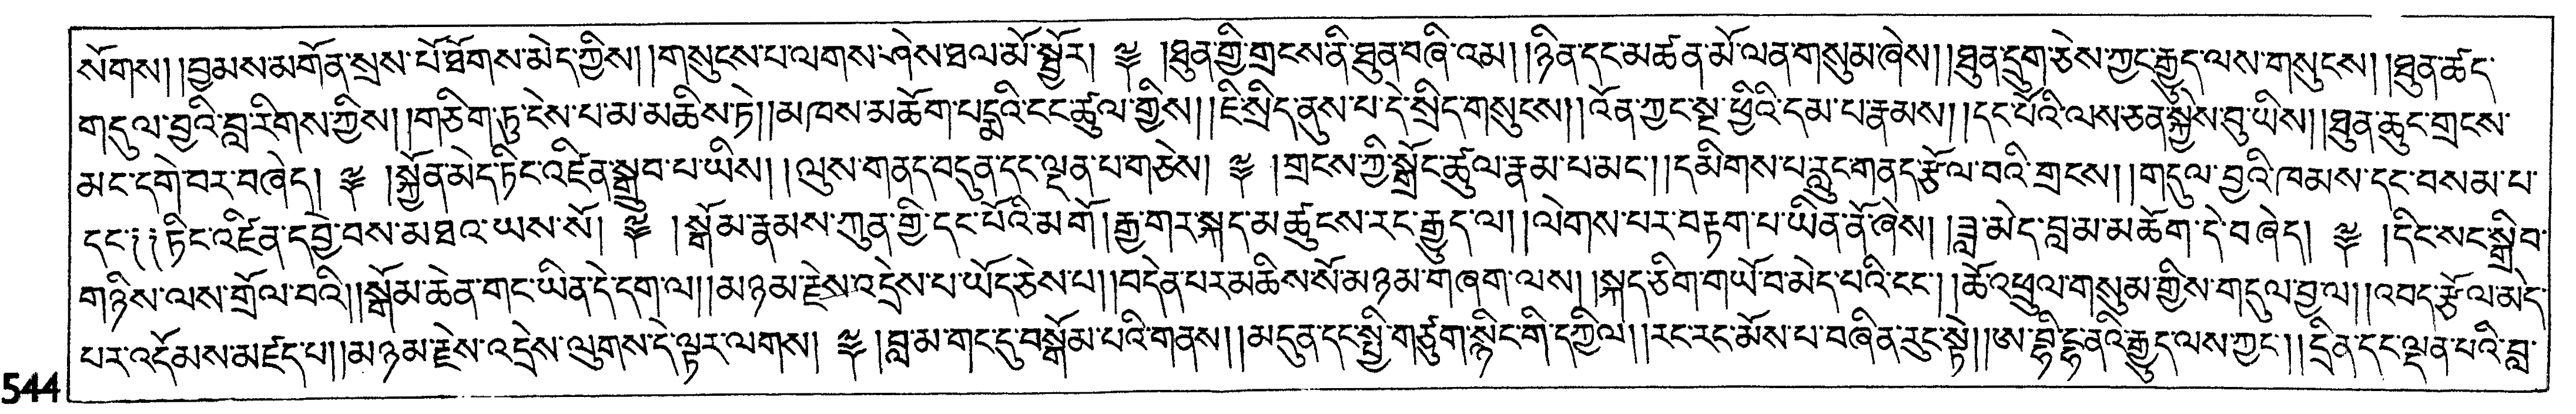སོགས། །བྱམས་མགོན་སྲས་པོ་ཐོགས་མེད་ཀྱིས། །གསུངས་པ་ལགས་ཤེས་ཐལ་མོ་སྦྱོར། ༈ །ཐུན་གྱི་གྲངས་ནི་ཐུན་བཞི་འམ། །ཉིན་དང་མཚན་མོ་ལན་གསུམ་ཞེས། །ཐུན་དྲུག་ཅེས་ཀྱང་རྒྱུད་ལས་གསུངས། །ཐུན་ཚད་
གདུལ་བྱའི་བླ་རིགས་ཀྱིས། །གཅིག་ཏུ་ངེས་པ་མ་མཆིས་ཏེ། །མཁས་མཆོག་པདམའི་ངང་ཚུལ་གྱིས། །ཇི་སྲིད་ནུས་པ་དེ་སྲིད་གསུངས། །འོན་ཀྱང་སྔ་ཕྱིའི་དམ་པ་རྣམས། །དང་པོའི་ལས་ཅན་སྐྱེས་བུ་ཡིས། །ཐུན་ཆུང་གྲངས་
མང་དགེ་བར་བཞེད། ༈ །སྐྱོན་མེད་ཏིང་འཛིན་སྒྲུབ་པ་ཡིས། །ལུས་གནད་བདུན་དང་ལྡན་པ་གཅེས། ༈ །གྲངས་ཀྱི་སྒྲོང་ཚུལ་རྣམ་པ་མང་། །དམིགས་པ་རླུང་གནད་རྩོལ་བའི་གྲངས། །གདུལ་བྱའི་ཁམས་དང་བསམ་པ་
དང༑ ༑ཏིང་འཛིན་དབྱེ་བས་མཐའ་ཡས་སོ། ༈ །སྒོམ་རྣམས་ཀུན་གྱི་དང་པོའི་མགོ །རྒྱ་གར་སྐད་མཚུངས་རང་རྒྱུད་ལ། །ལེགས་པར་བརྟག་པ་ཡིན་ནོ་ཞེས། །ཟླ་མེད་བླ་མ་མཆོག་དེ་བཞེད། ༈ །དིང་སང་སྒྲིབ་
གཉིས་ལས་གྲོལ་བའི། །སྒོམ་ཆེན་གང་ཡིན་དེ་དག་ལ། །མཉམ་རྗེས་འདྲེས་པ་ཡོད་ཅེས་པ། །བདེན་པར་མཆིས་སོ་མཉམ་གཞག་ལས། །སྐད་ཅིག་གཡོ་བ་མེད་པའི་ངང་། །ཆོ་འཕྲུལ་གསུམ་གྱིས་གདུལ་བྱ་ལ། །འབད་རྩོལ་མེད་
པར་འདོམས་མཛད་པ། །མཉམ་རྗེས་འདྲེས་ལུགས་དེ་ལྟར་ལགས། ༈ །བླ་མ་གང་དུ་བསྒོམ་པའི་གནས། །མདུན་དང་སྤྱི་གཙུག་སྙིང་གི་དཀྱིལ། །རང་རང་མོས་པ་བཞིན་རུང་སྟེ། །ཨ་བྷི་དྷ་ནའི་རྒྱུད་ལས་ཀྱང་། །དྲིན་དང་ལྡན་པའི་བླ་